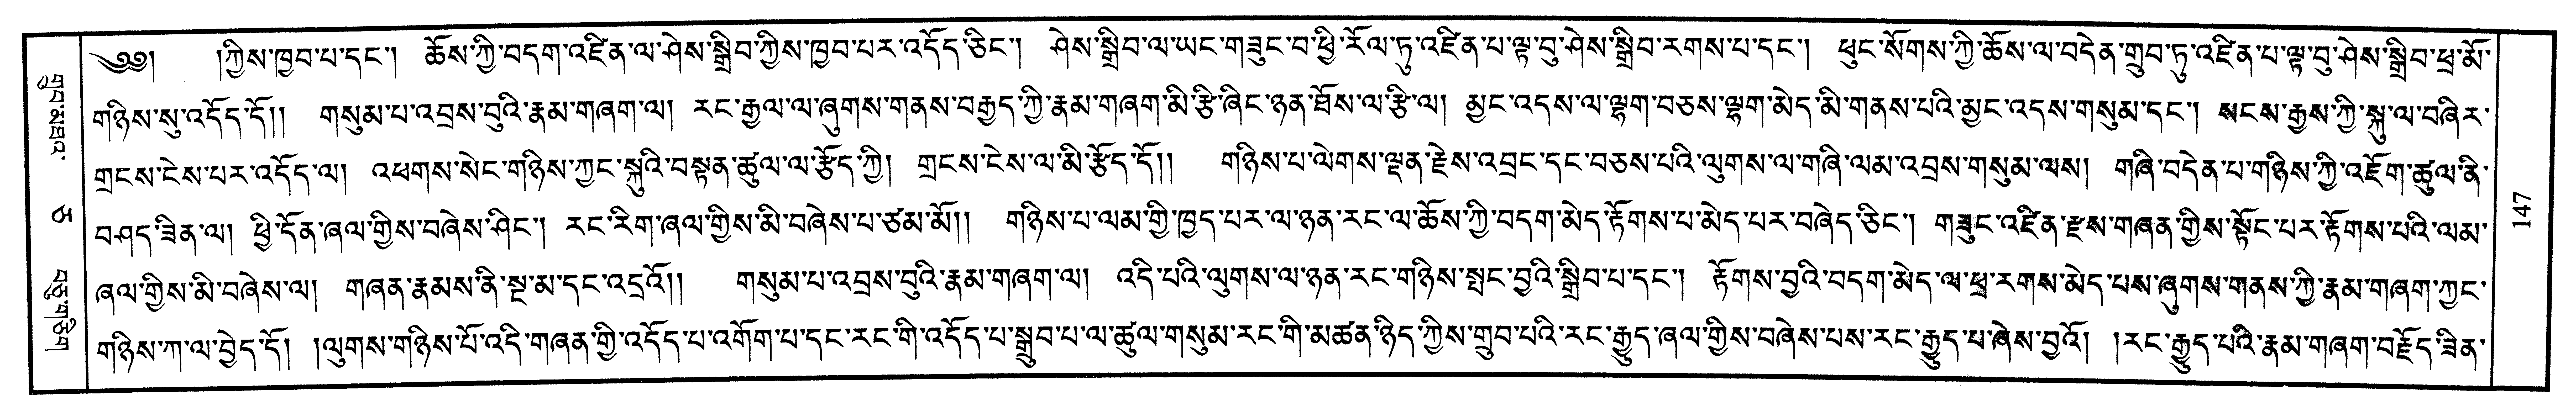༄༅། །ཀྱིས་ཁྱབ་པ་དང་། ཆོས་ཀྱི་བདག་འཛིན་ལ་ཤེས་སྒྲིབ་ཀྱིས་ཁྱབ་པར་འདོད་ཅིང་། ཤེས་སྒྲིབ་ལ་ཡང་གཟུང་བ་ཕྱི་རོལ་ཏུ་འཛིན་པ་ལྟ་བུ་ཤེས་སྒྲིབ་རགས་པ་དང་། ཕུང་སོགས་ཀྱི་ཆོས་ལ་བདེན་གྲུབ་ཏུ་འཛིན་པ་ལྟ་བུ་ཤེས་སྒྲིབ་ཕྲ་མོ་
གཉིས་སུ་འདོད་དོ།། གསུམ་པ་འབྲས་བུའི་རྣམ་གཞག་ལ། རང་རྒྱལ་ལ་ཞུགས་གནས་བརྒྱད་ཀྱི་རྣམ་གཞག་མི་རྩི་ཞིང་ཉན་ཐོས་ལ་རྩི་ལ། མྱང་འདས་ལ་ལྷག་བཅས་ལྷག་མེད་མི་གནས་པའི་མྱང་འདས་གསུམ་དང་། སངས་རྒྱས་ཀྱི་སྐུ་ལ་བཞིར་
གྲངས་ངེས་པར་འདོད་ལ། འཕགས་སེང་གཉིས་ཀྱང་སྐུའི་བསྟན་ཚུལ་ལ་རྩོད་ཀྱི། གྲངས་ངེས་ལ་མི་རྩོད་དོ།། གཉིས་པ་ལེགས་ལྡན་རྗེས་འབྲང་དང་བཅས་པའི་ལུགས་ལ་གཞི་ལམ་འབྲས་གསུམ་ལས། གཞི་བདེན་པ་གཉིས་ཀྱི་འཇོག་ཚུལ་ནི་
བཤད་ཟིན་ལ། ཕྱི་དོན་ཞལ་གྱིས་བཞེས་ཤིང་། རང་རིག་ཞལ་གྱིས་མི་བཞེས་པ་ཙམ་མོ།། གཉིས་པ་ལམ་གྱི་ཁྱད་པར་ལ་ཉན་རང་ལ་ཆོས་ཀྱི་བདག་མེད་རྟོགས་པ་མེད་པར་བཞེད་ཅིང་། གཟུང་འཛིན་རྫས་གཞན་གྱིས་སྟོང་པར་རྟོགས་པའི་ལམ་
ཞལ་གྱིས་མི་བཞེས་ལ། གཞན་རྣམས་ནི་སྔ་མ་དང་འདྲའོ།། གསུམ་པ་འབྲས་བུའི་རྣམ་གཞག་ལ། འདི་པའི་ལུགས་ལ་ཉན་རང་གཉིས་སྤང་བྱའི་སྒྲིབ་པ་དང་། རྟོགས་བྱའི་བདག་མེད་ལ་ཕྲ་རགས་མེད་པས་ཞུགས་གནས་ཀྱི་རྣམ་གཞག་ཀྱང་
གཉིས་ཀ་ལ་བྱེད་དོ། །ལུགས་གཉིས་པོ་འདི་གཞན་གྱི་འདོད་པ་འགོག་པ་དང་རང་གི་འདོད་པ་སྒྲུབ་པ་ལ་ཚུལ་གསུམ་རང་གི་མཚན་ཉིད་ཀྱིས་གྲུབ་པའི་རང་རྒྱུད་ཞལ་གྱིས་བཞེས་པས་རང་རྒྱུད་པ་ཞེས་བྱའོ། །རང་རྒྱུད་པའི་རྣམ་གཞག་བརྗོད་ཟིན་